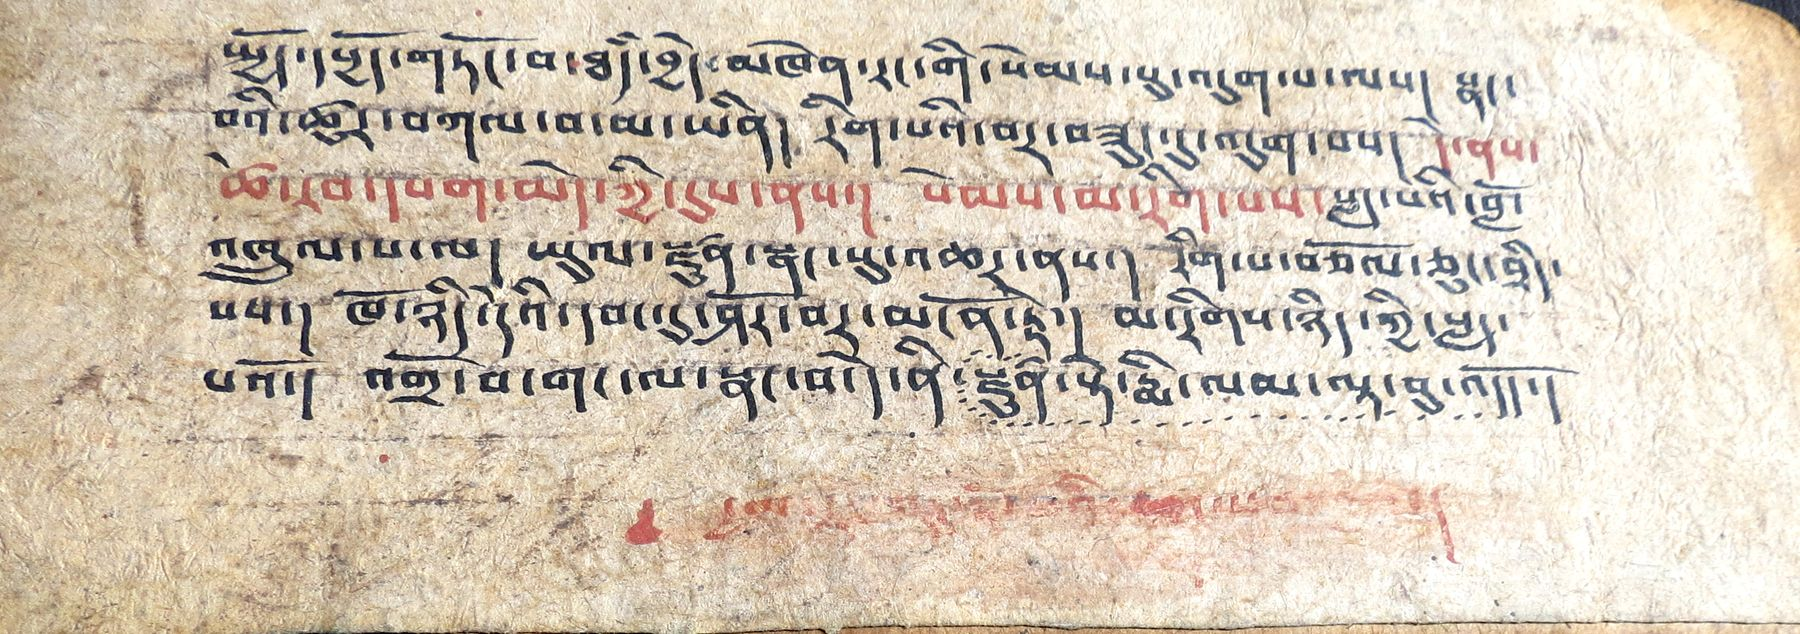དཔྱོད་གཏོང་བ་ཐམས་ཅད་བྱེད་མཁན་རང་རིག་ཏུ་འདུག་པ་ལ། སྣང་
བ་ཡིས་ཚུར་བཀབ་མ་ཡིན། རིག་པས་ཕར་བཟུང་འདུག་པས། དེས་ནས་
ཚེ་རབས་དཔག་མེད་ཀྱི་དུས་ན། ། སེམས་མ་རིག་པས་བསླད་པའི་བློ་
འཁྲུལ་པ་ལ། ཡུལ་རྫུན་སྣང་དུ་ཤར་ནས། རིག་པ་ཅོལ་ཆུང་བྲིད་
པས། ཁོ་ཉིད་དེའི་དབང་དུ་ཤོར་བར་མངོན་ཏེ། མ་རིག་གཉིད་ཀྱིས་བསླད་
པས། འགྲོ་བ་ཀུན་ལ་གང་སྣང་། དེ་ནི་རྫུན་ཏེ་རྨི་ལམ་ལྟ་བུར་འདོད།